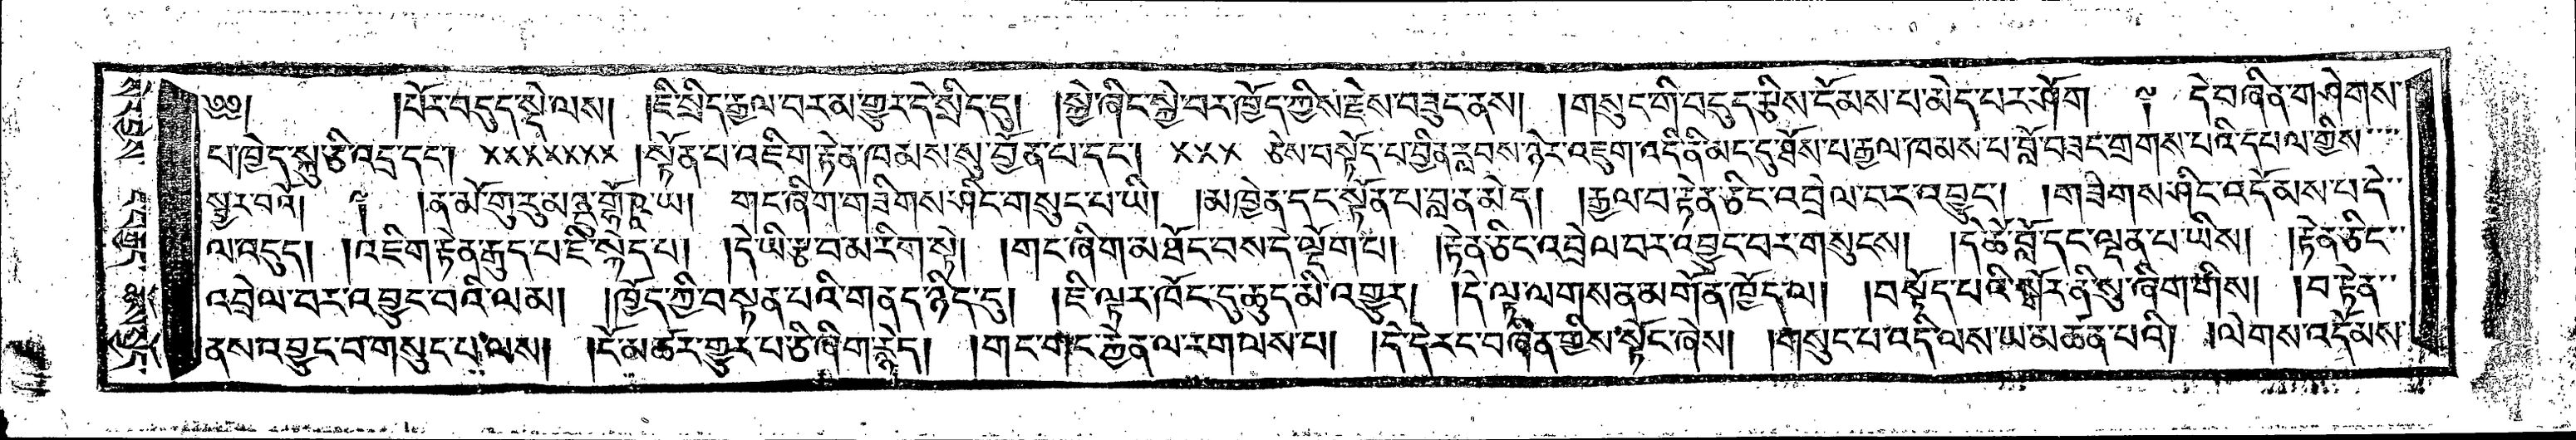༄༅། །པོར་བདུད་སྡེ་ལས། །ཇི་སྲིད་རྒྱལ་བར་མ་གྱུར་དེ་སྲིད་དུ། །སྐྱེ་ཞིང་སྐྱེ་བར་ཁྱོད་ཀྱིས་རྗེས་བཟུང་ནས། །གསུང་གི་བདུད་རྩིས་ངོམས་པ་མེད་པར་ཤོག ༈ དེ་བཞིན་གཤེགས་
པ་ཁྱེད་སྐུ་ཅི་འདྲ་དང་། {྾་྾་྾་྾་྾་྾་྾་྾་྾}་།སྟོན་པ་འཇིག་རྟེན་ཁམས་སུ་བྱོན་པ་དང་། {྾་྾་྾}་ཅེས་བསྟོད་པ་བྱིན་རླབས་ཉེར་འཇུག་འདི་ནི་མང་དུ་ཐོས་པ་རྒྱལ་ཁམས་པ་བློ་བཟང་གྲགས་པའི་དཔལ་གྱིས་
སྦྱར་བའོ། ༈ །ན་མོ་གུ་རུ་མཉྫུ་གྷོ་ཥཱ་ཡ། གང་ཞིག་གཟིགས་ཤིང་གསུང་པ་ཡི། །མཁྱེན་དང་སྟོན་པ་བླ་ན་མེད། །རྒྱལ་བ་རྟེན་ཅིང་འབྲེལ་བར་འབྱུང་། །གཟིགས་ཤིང་འདོམས་པ་དེ་
ལ་འདུད། །འཇིག་རྟེན་རྒུད་པ་ཇི་སྙེད་པ། །དེ་ཡི་རྩ་བ་མ་རིག་སྟེ། །གང་ཞིག་མཐོང་བས་དེ་ལྡོག་པ། །རྟེན་ཅིང་འབྲེལ་བར་འབྱུང་བར་གསུངས། །དེ་ཚེ་བློ་དང་ལྡན་པ་ཡིས། །རྟེན་ཅིང་
འབྲེལ་བར་འབྱུང་བའི་ལམ། །ཁྱོད་ཀྱི་བསྟན་པའི་གནད་ཉིད་དུ། །ཇི་ལྟར་ཁོང་དུ་ཆུད་མི་འགྱུར། །དེ་ལྟ་ལགས་ན་མགོན་ཁྱོད་ལ། །བསྟོད་པའི་སྒོར་ནི་སུ་ཞིག་གིས། །བརྟེན་
ནས་འབྱུང་བ་གསུང་པ་ལས། །ངོ་མཚར་གྱུར་པ་ཅི་ཞིག་རྙེད། །གང་གང་རྐྱེན་ལ་རག་ལས་པ། །དེ་དེ་རང་བཞིན་གྱིས་སྟོང་ཞེས། །གསུང་པ་འདི་ལས་ཡ་མཚན་པའི། །ལེགས་འདོམས་